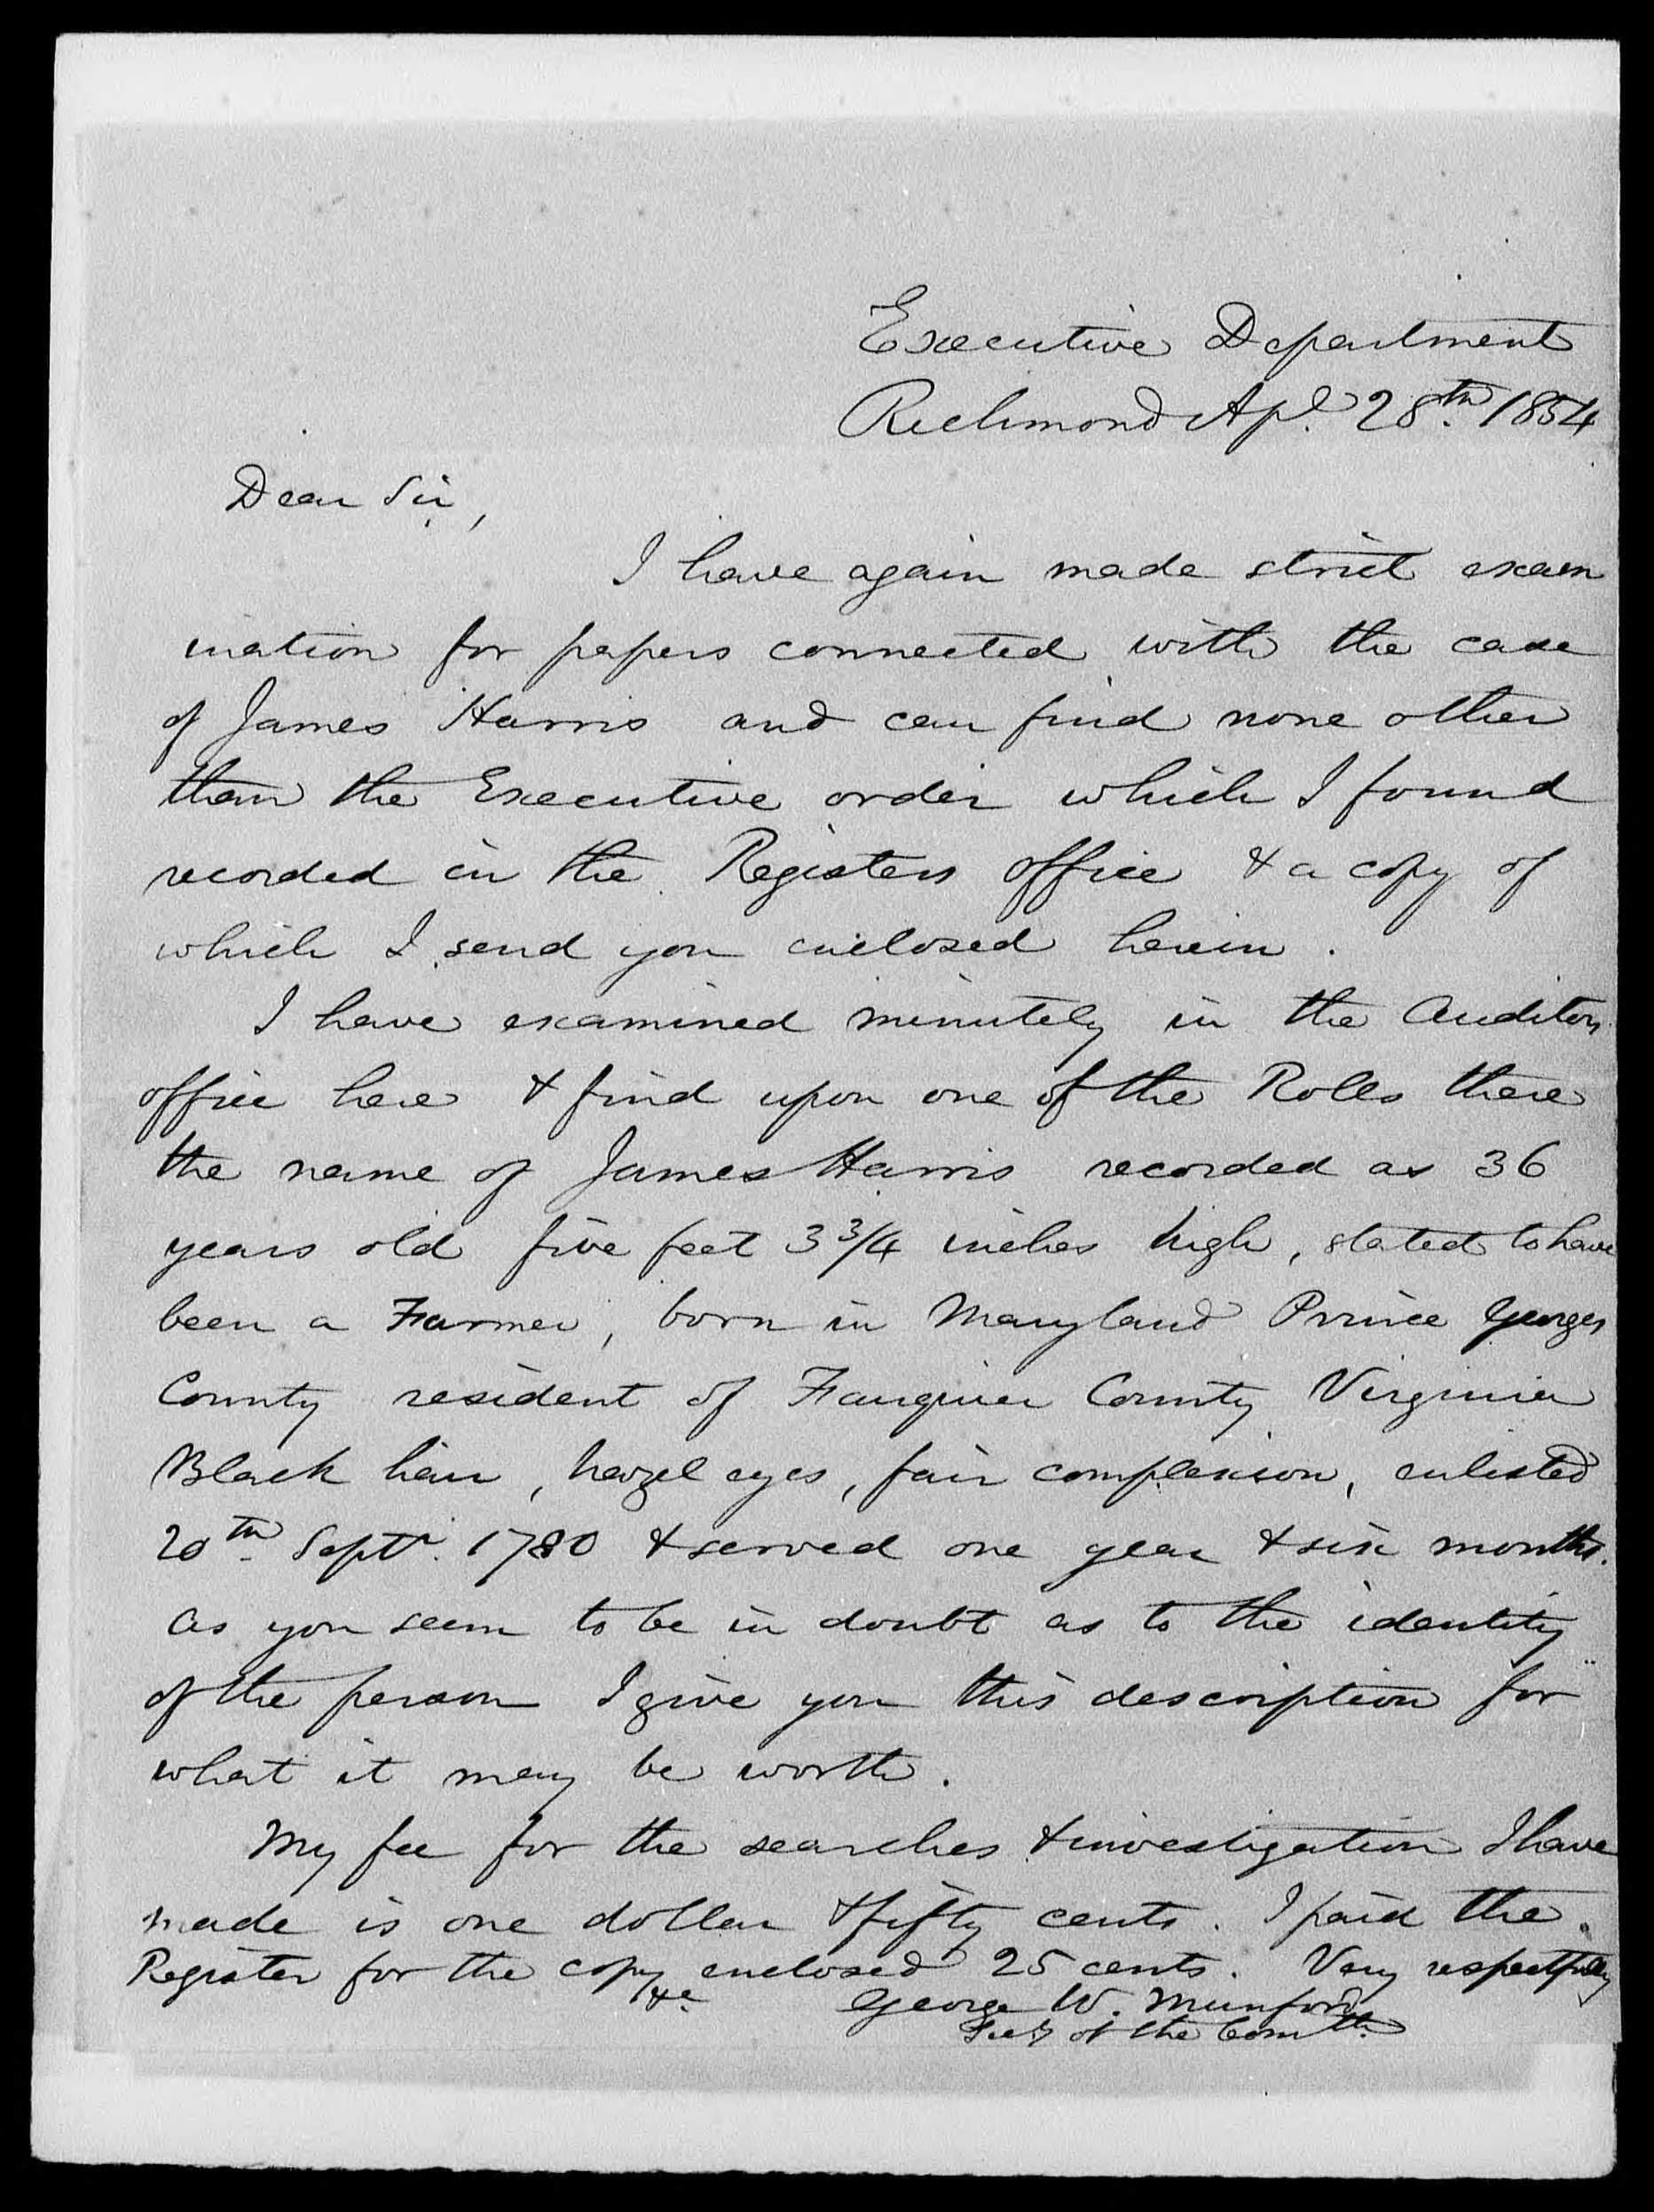Executive Department
Richmond Apl 28th 1854

Dear Sir,
I have again made strict examination for papers connected with the case of James Harris and can find none other than the Executive order which I found recorded in the Registers office & a copy of which I send you enclosed herein.
I have examined minutely in the Auditors office here & find upon one of the Rolls there the name of James Harris recorded as 36 years old five feet 3 3/4 inches high, stated to have been a Farmer, born in Maryland Prince Georges County resident of Fauquier County Virginia Black hair, hazel eyes, fair complexion, enlisted 20th Sept 1780 & served one year & six months.  As you seem to be in doubt as to the identity of the person I give you this description for what it may be worth.
My fee for the searches & investigation I have made is one dollar & fifty cents.  I paid the Register for the copy &c. enclosed 25 cents.  Very respectfully
George W. Munford
Secy of the Commth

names: George W Munford, James Harris, James Harris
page: 147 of 160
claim: rejected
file: R. 4666, James Harris, Va.